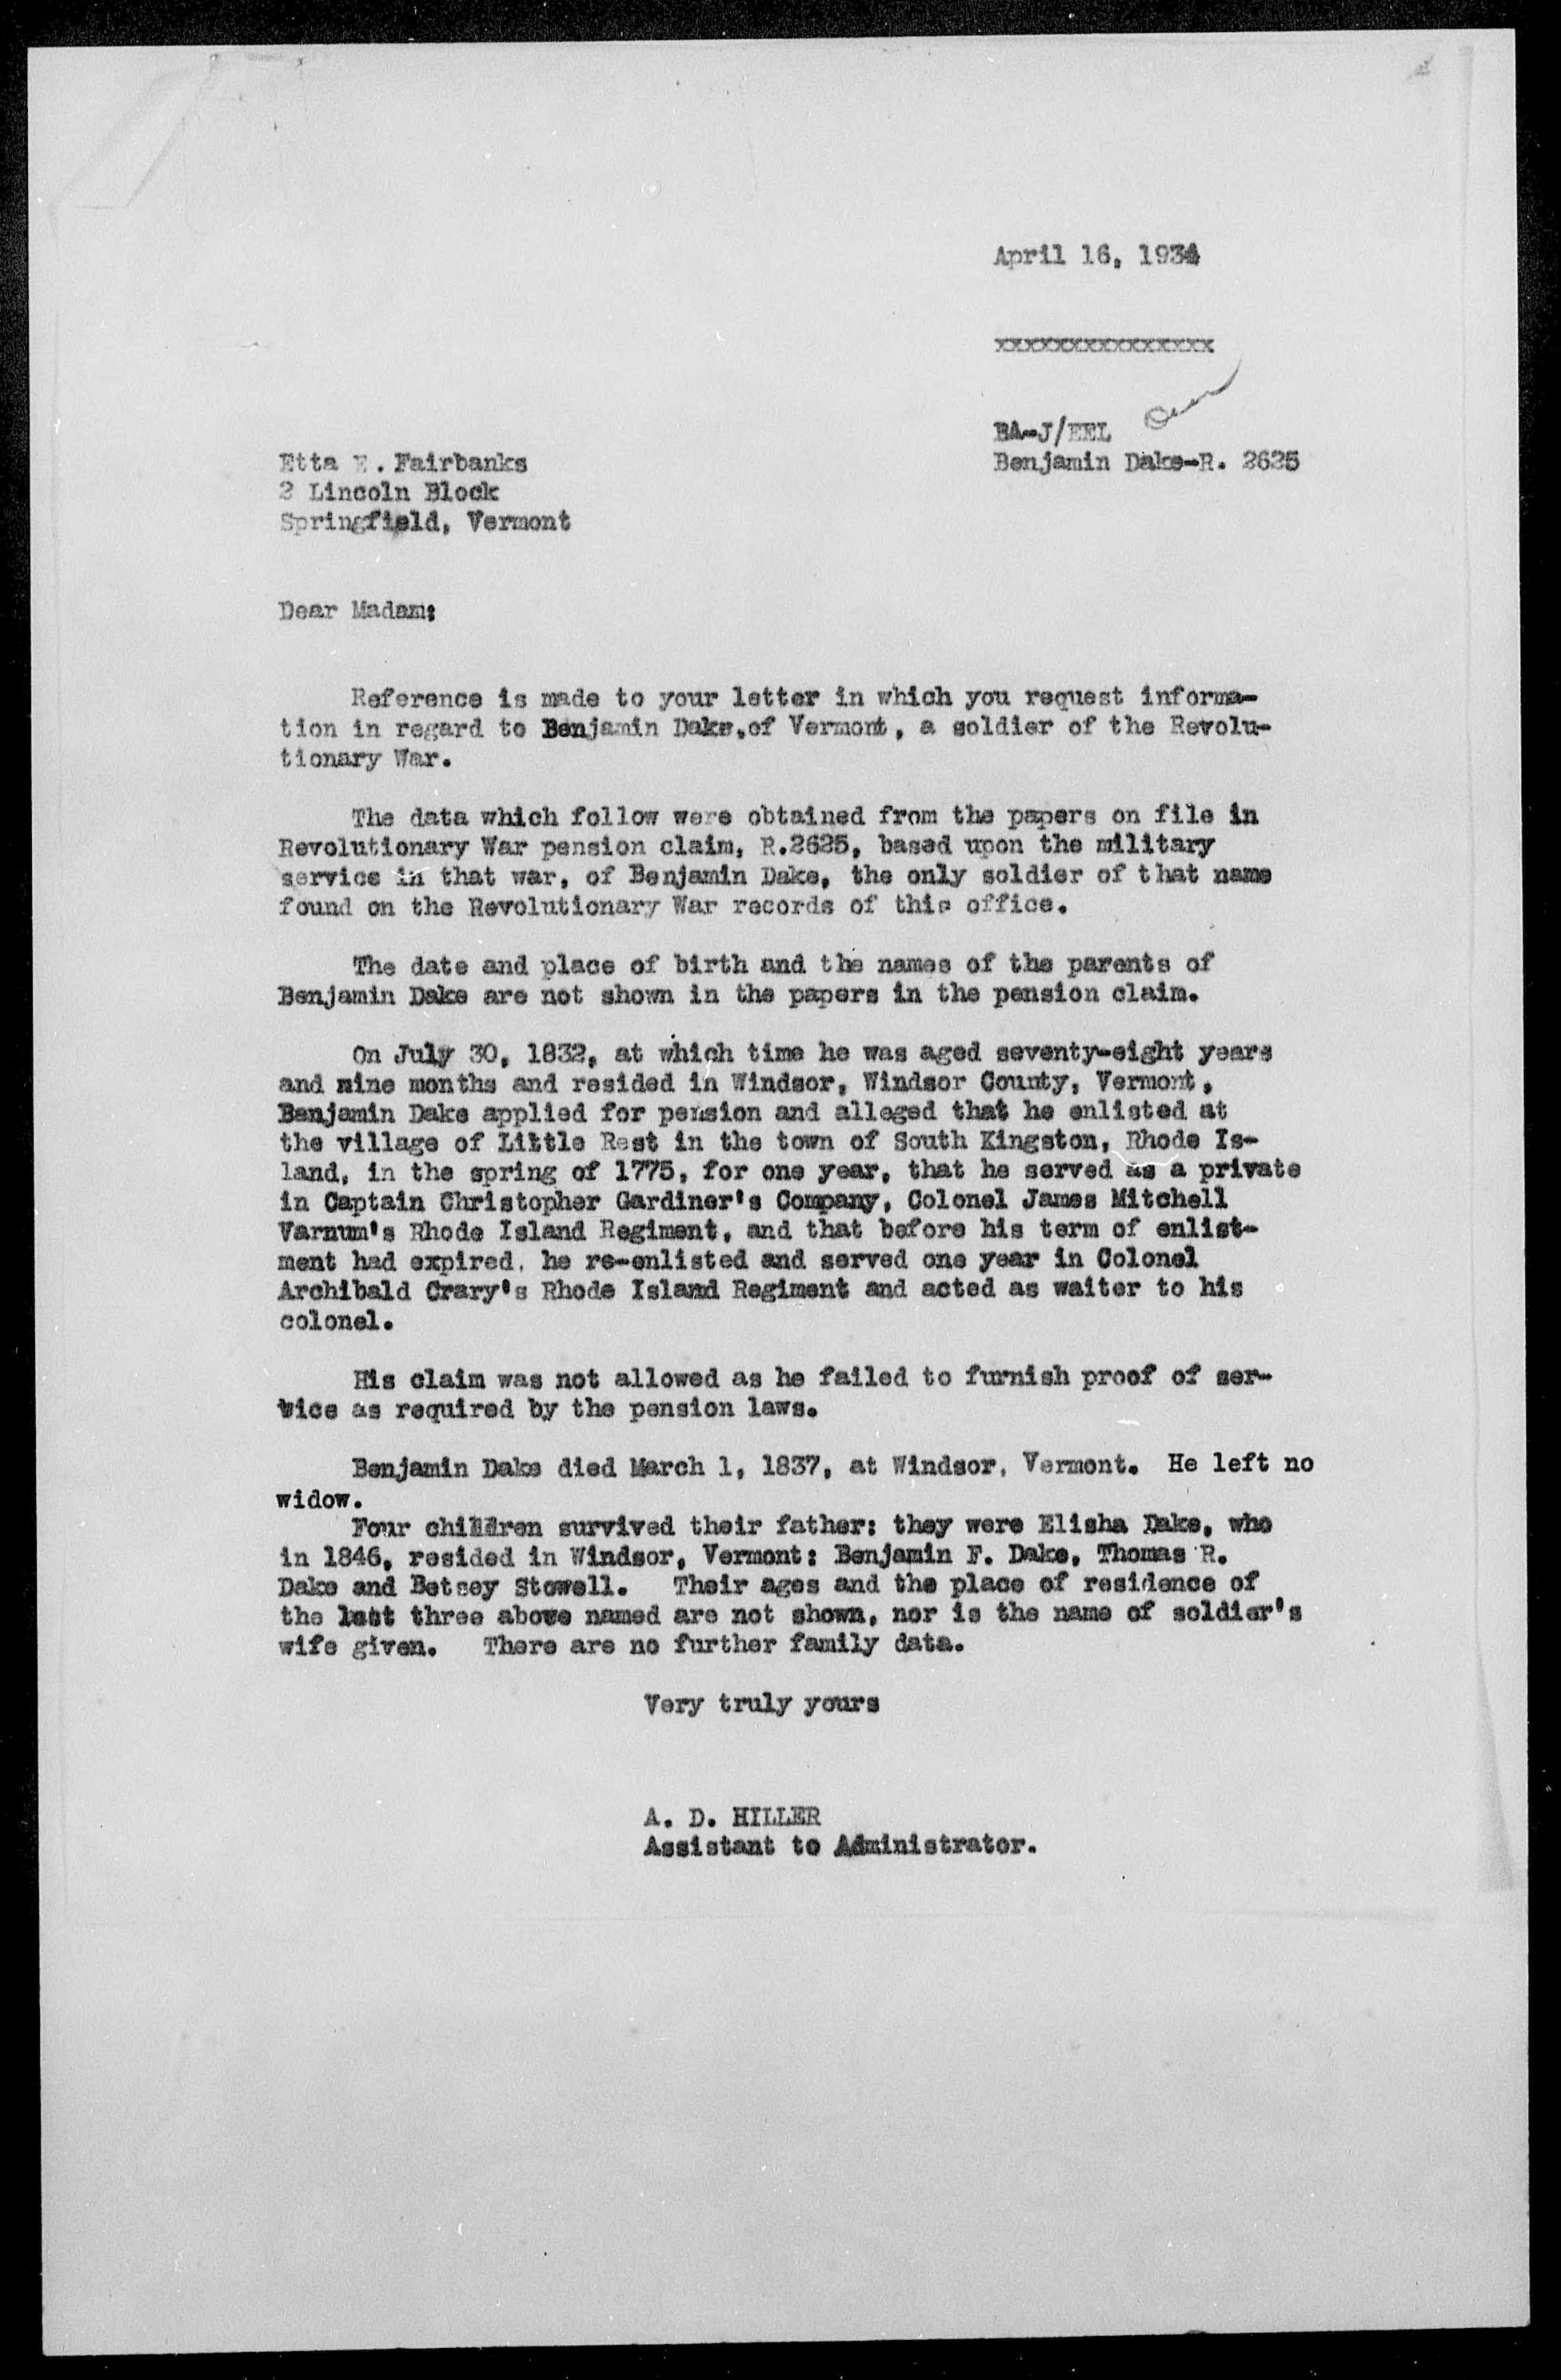April 16, 1934
xxxxxxxxxxxxx

BA-J/EEL
Benjamin Dake R.2625

Etta E. Fairbanks
2 Lincoln Block
Springfield, Vermont

Dear Madam:

Reference is made to your letter in which you request information in regard to Benjamin Dake, of Vermont, a soldier of the Revolutionary War.

The date and place of birth and the names of the parents of Benjamin Dake are not shown in the pension claim.

On July 30th, 1832, at which time he was aged seventy-eight years and nine months and resided in Windsor, Windsor County, Vermont, Benjamin dake applied for pension and alleged that he enlisted at the village of Little Rest in the town of South Kingston, Rhode Island, in the spring of 1775, for one year, that he served as a private in Captain Christopher Gardiner's Company, Colonel James Mitchell Varnum's Rhode Island regiment, and that his term of enlistment has expired. he reenlisted and served one year in Colonel Archibald Crary's Rhode Island Regiment and acted as waiter to his colonel.

His claim was not allowed as he failed to furnish proof of service as required by the pension laws.

Benjamin Dake died March 1, 1837, at Windsor, Vermont. He left no widow.
Four childnre survived their father: they were Elisha Dake, who in 1846 resided in Windsor, Vermont: Benjamin F. Dake, Thomas R. Dake and Betsey Stowell. Their ages and place of residence of the last three above named are not shown, nor is the name of soldier's wife given. There are no further family data.

Very truly yours
A.D. Hiller
Assistant to Administrator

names: Betsey Stowell, Elisha Dake, Benjamin Dake, Benjamin Dake, Benjamin Dake, Benjamin Dake, Benjamin Dake, Benjamin F Dake, Thomas R Dake, A D Hiller, Etta E Fairbanks, Benjamin Dake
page: 6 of 42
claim: rejected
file: R. 2,625, Benjamin Dake, R.I.